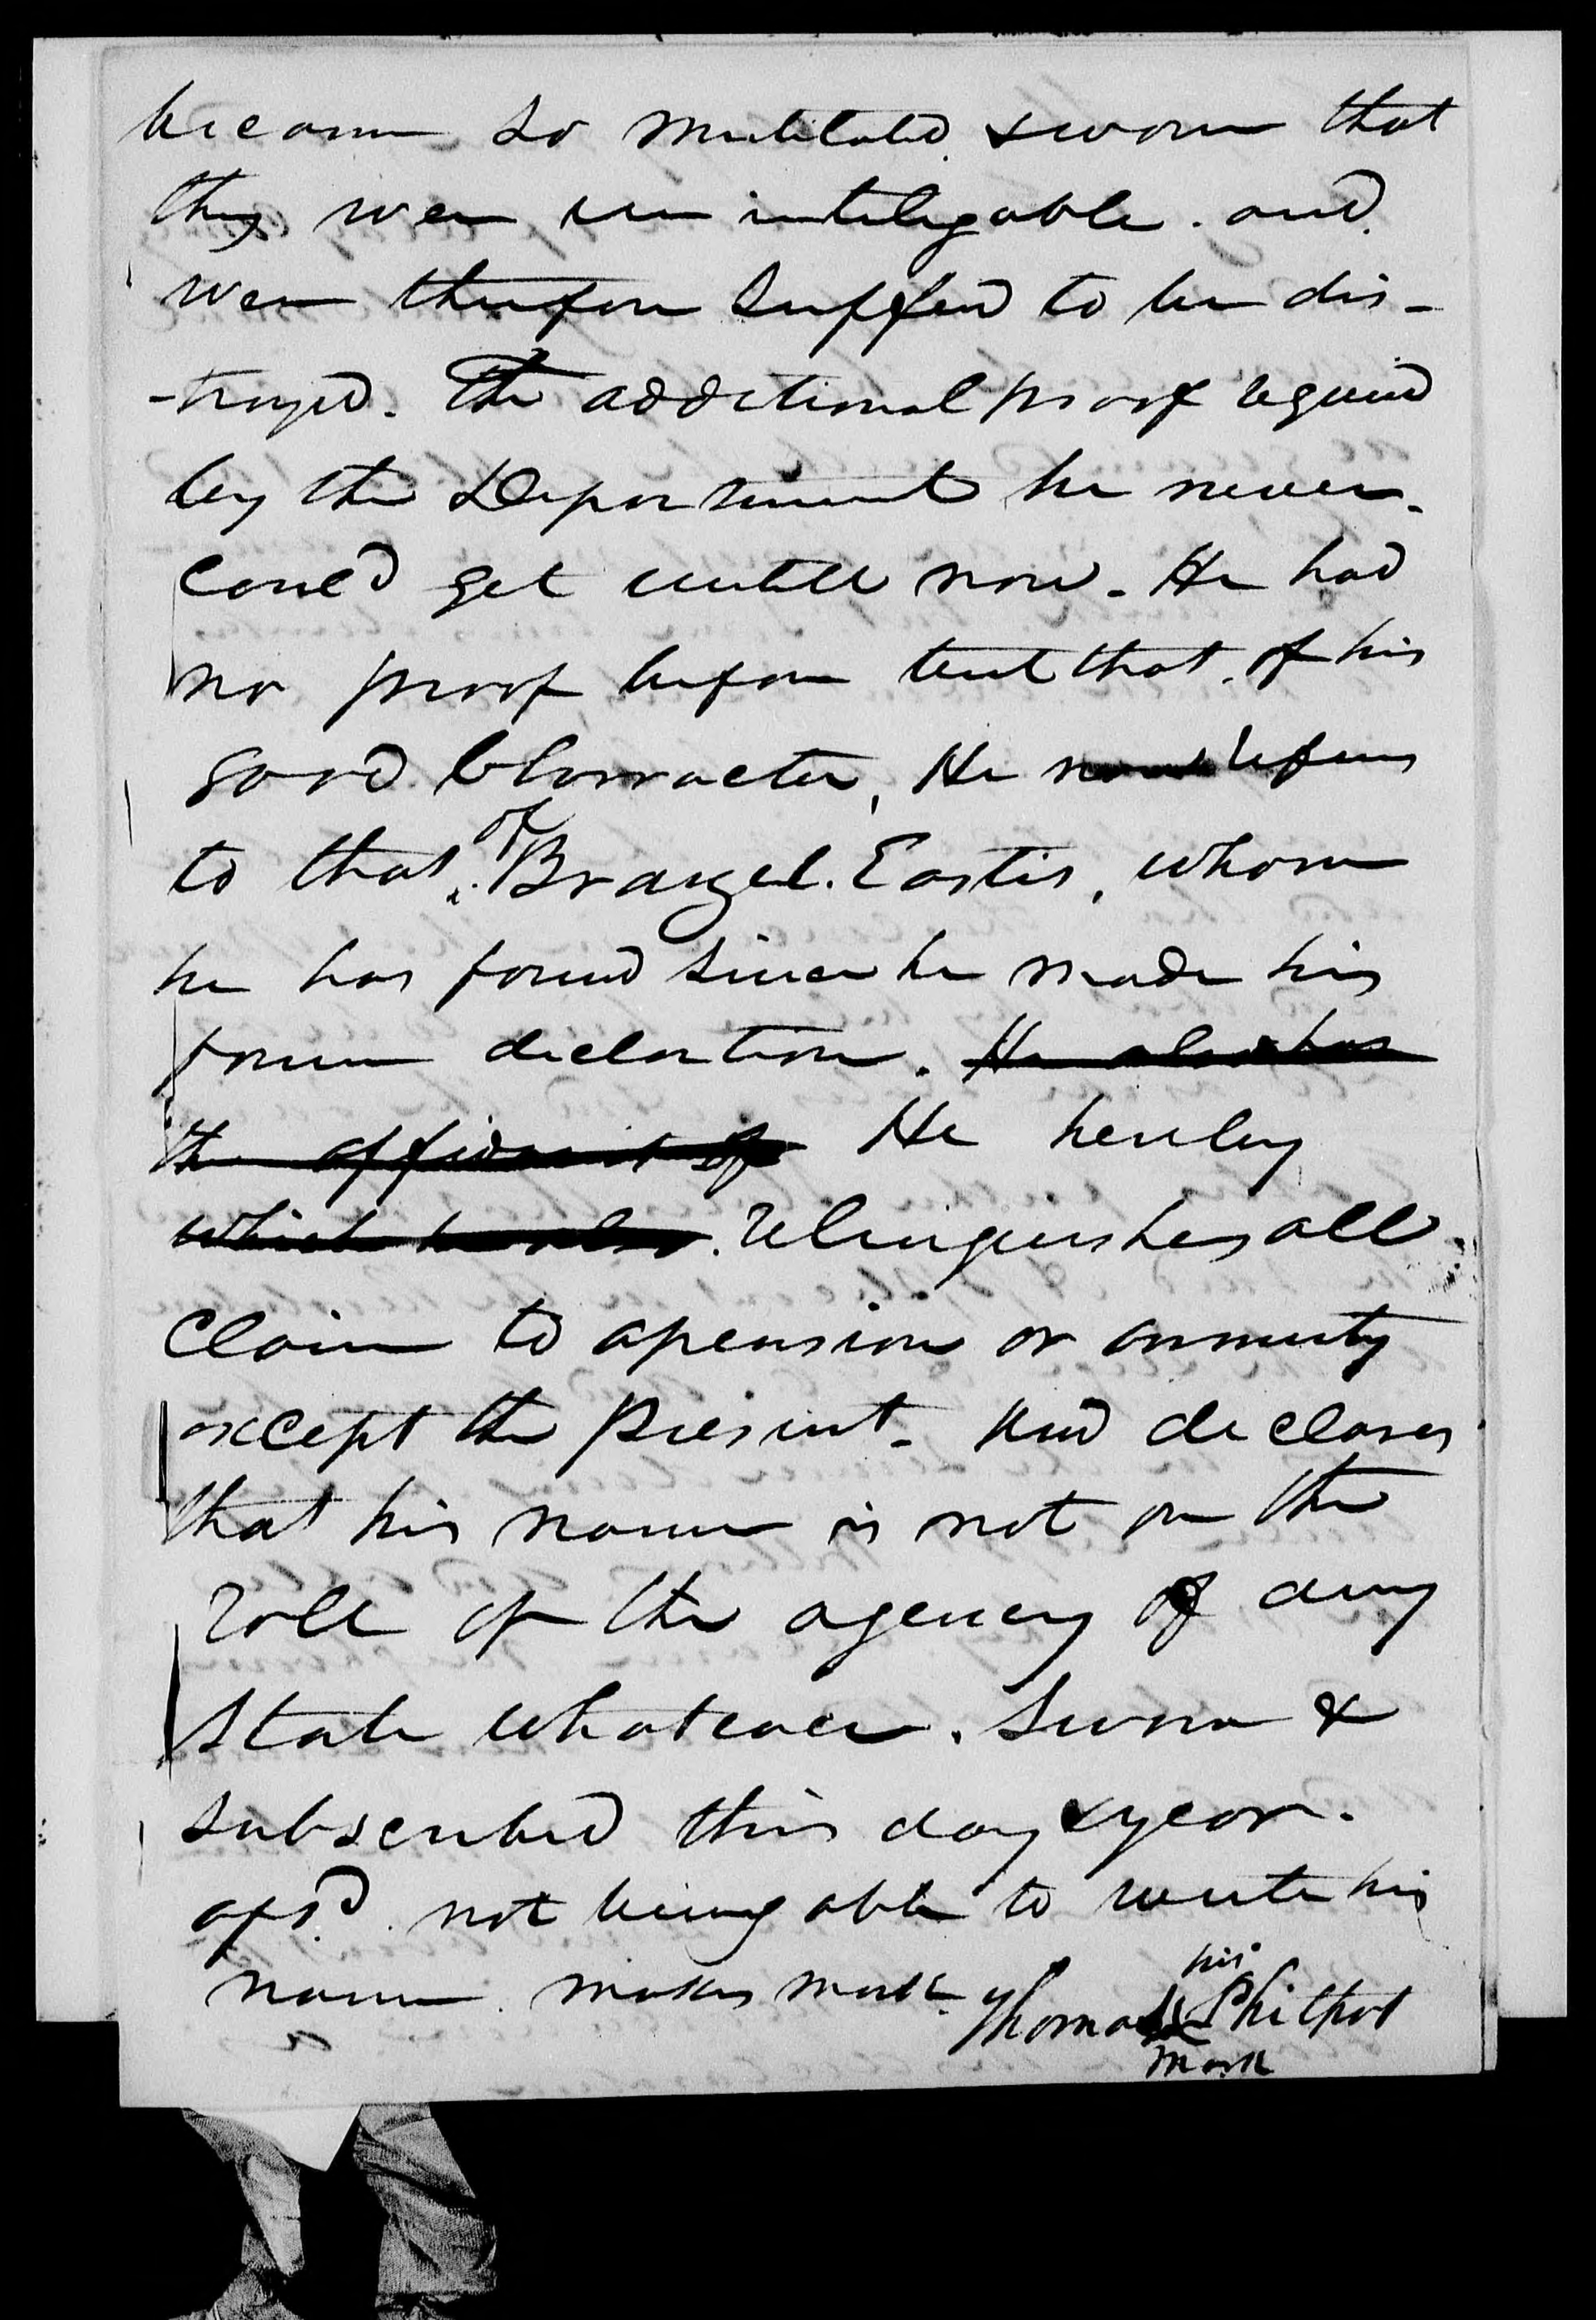become so mutilated & worn that
they were unintelligible and were therefore suffered to be distroyed
the additional proof required by the Department he never could get untill now. He had no proof before but that of his Good Character. He refers to that of Brazil Eastis whom he has found since he made his former declaration. He hereby relinquishes all claim to a pension or annuity except the present and declares that his name is not on the roll of the agency of any State whatever. Sworn & Subscribed this day & year
afsd. Not being able to write his name, makes his mark.
S/ Thomas Philpot, X his mark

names: Thomas Philpot; Brazel Eostis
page: 8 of 43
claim: rejected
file: R. 8217, for Thomas Philpot, South Carolina